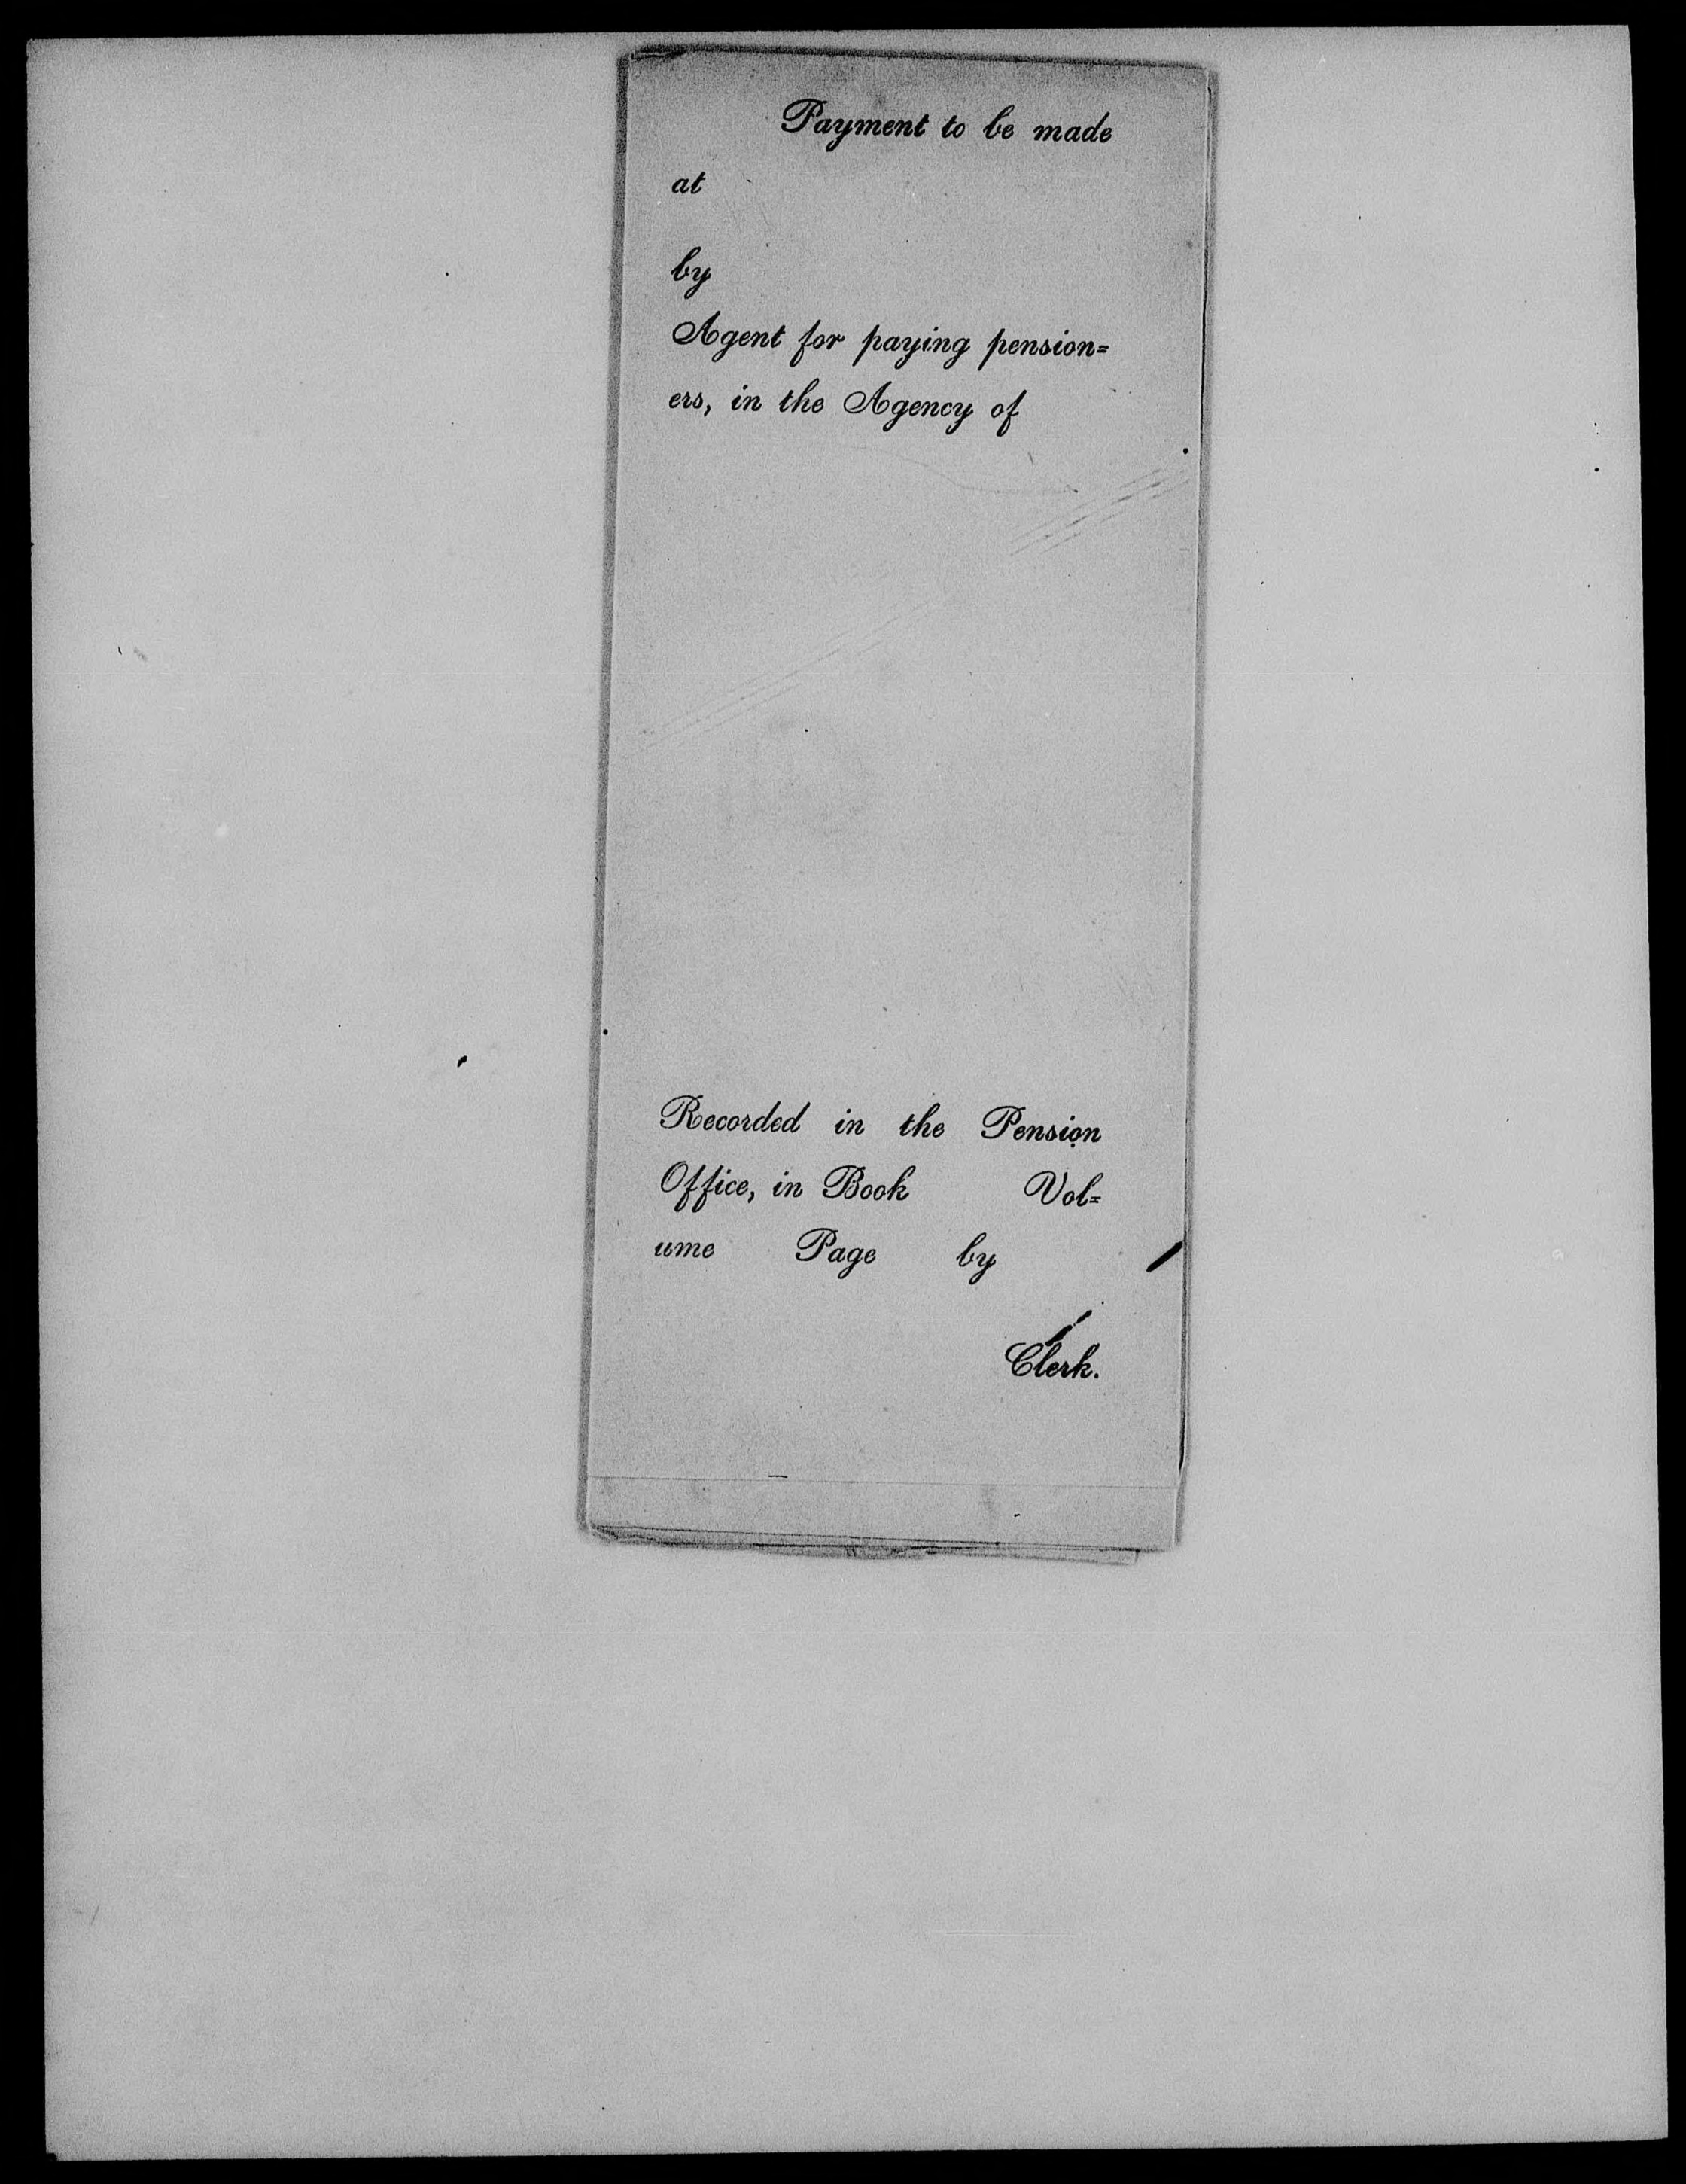[typed form]

Payment to be made [blank]
at [blank]
by [blank]

Agent for paying pensioners in the Agency of [blank]

Recorded in the Pension 
Office, in Book [blank] Volume [blank] Page [blank] by 
Clerk.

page: 20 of 41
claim: widow's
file: W. 5033, for Joseph Johnston, North Carolina